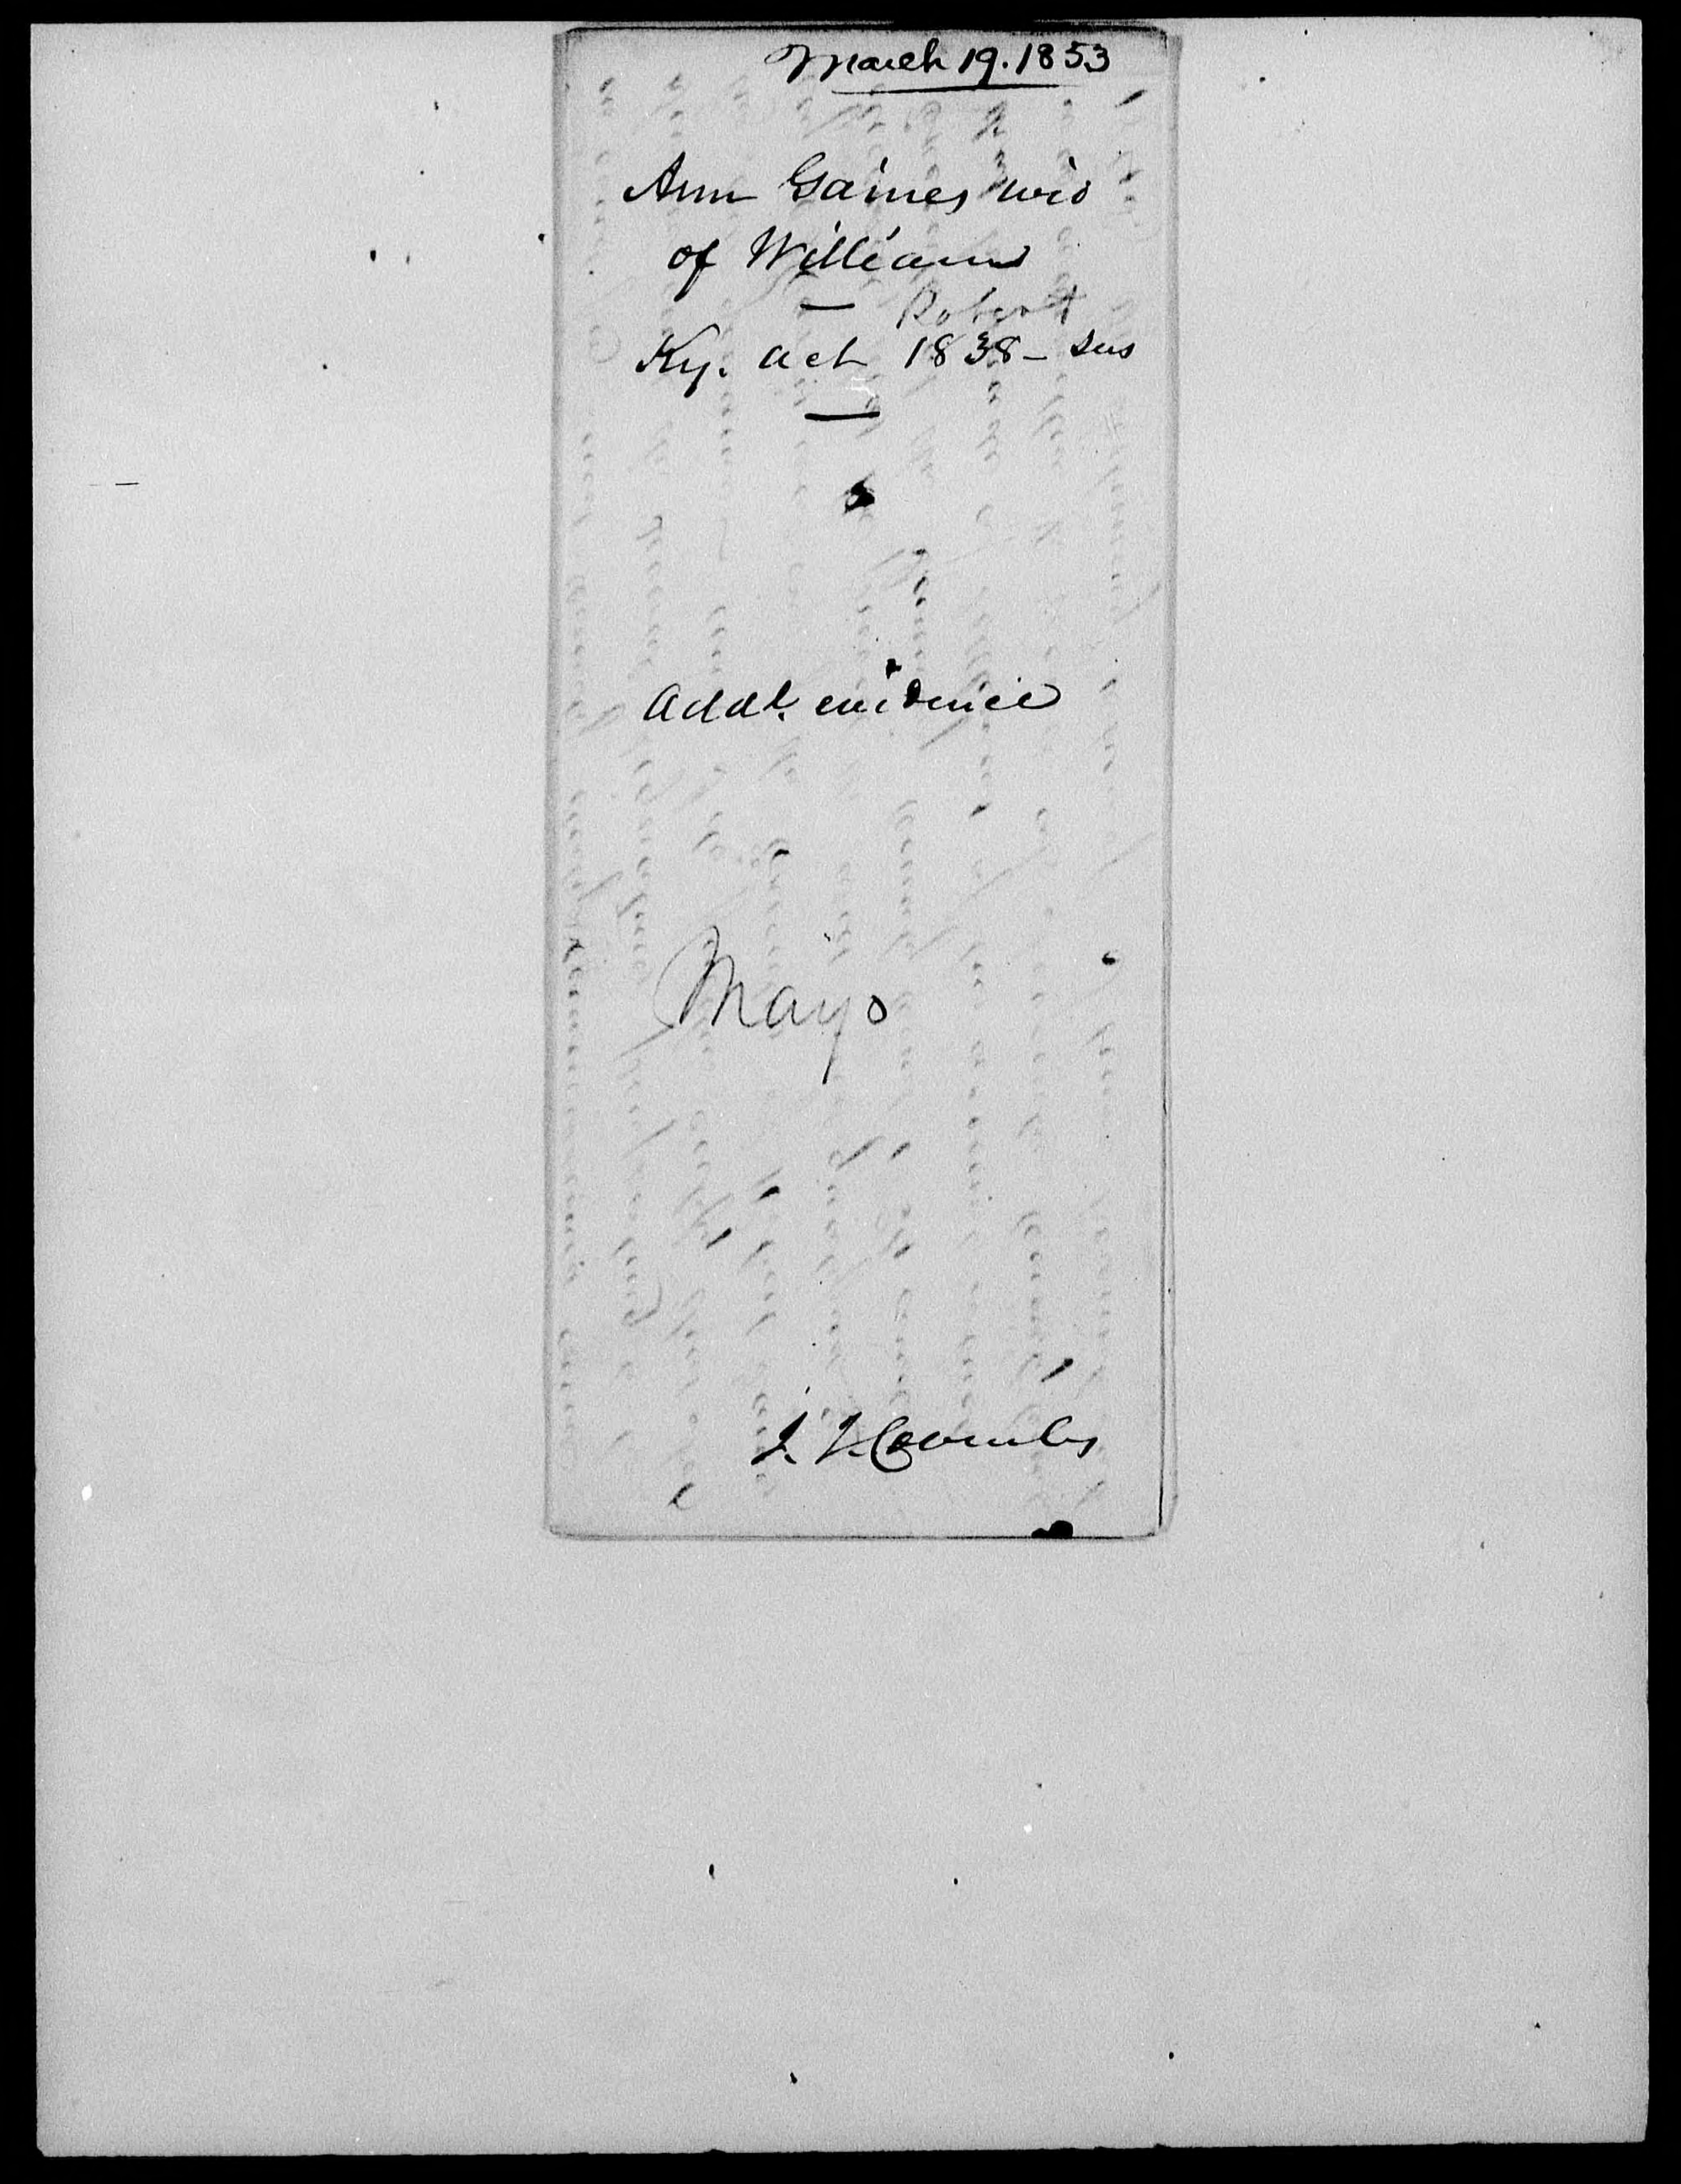March 19.1853
Ann Gaines rec'd
of Williams
_____
Robert
Ky. Act 1838-sus
_____
Add'l evidence
Mayo

J J Coombs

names: William Gaines, J J Coombs, Ann Gaines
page: 71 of 79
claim: rejected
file: R. 3863, Robert Gaines, Va.